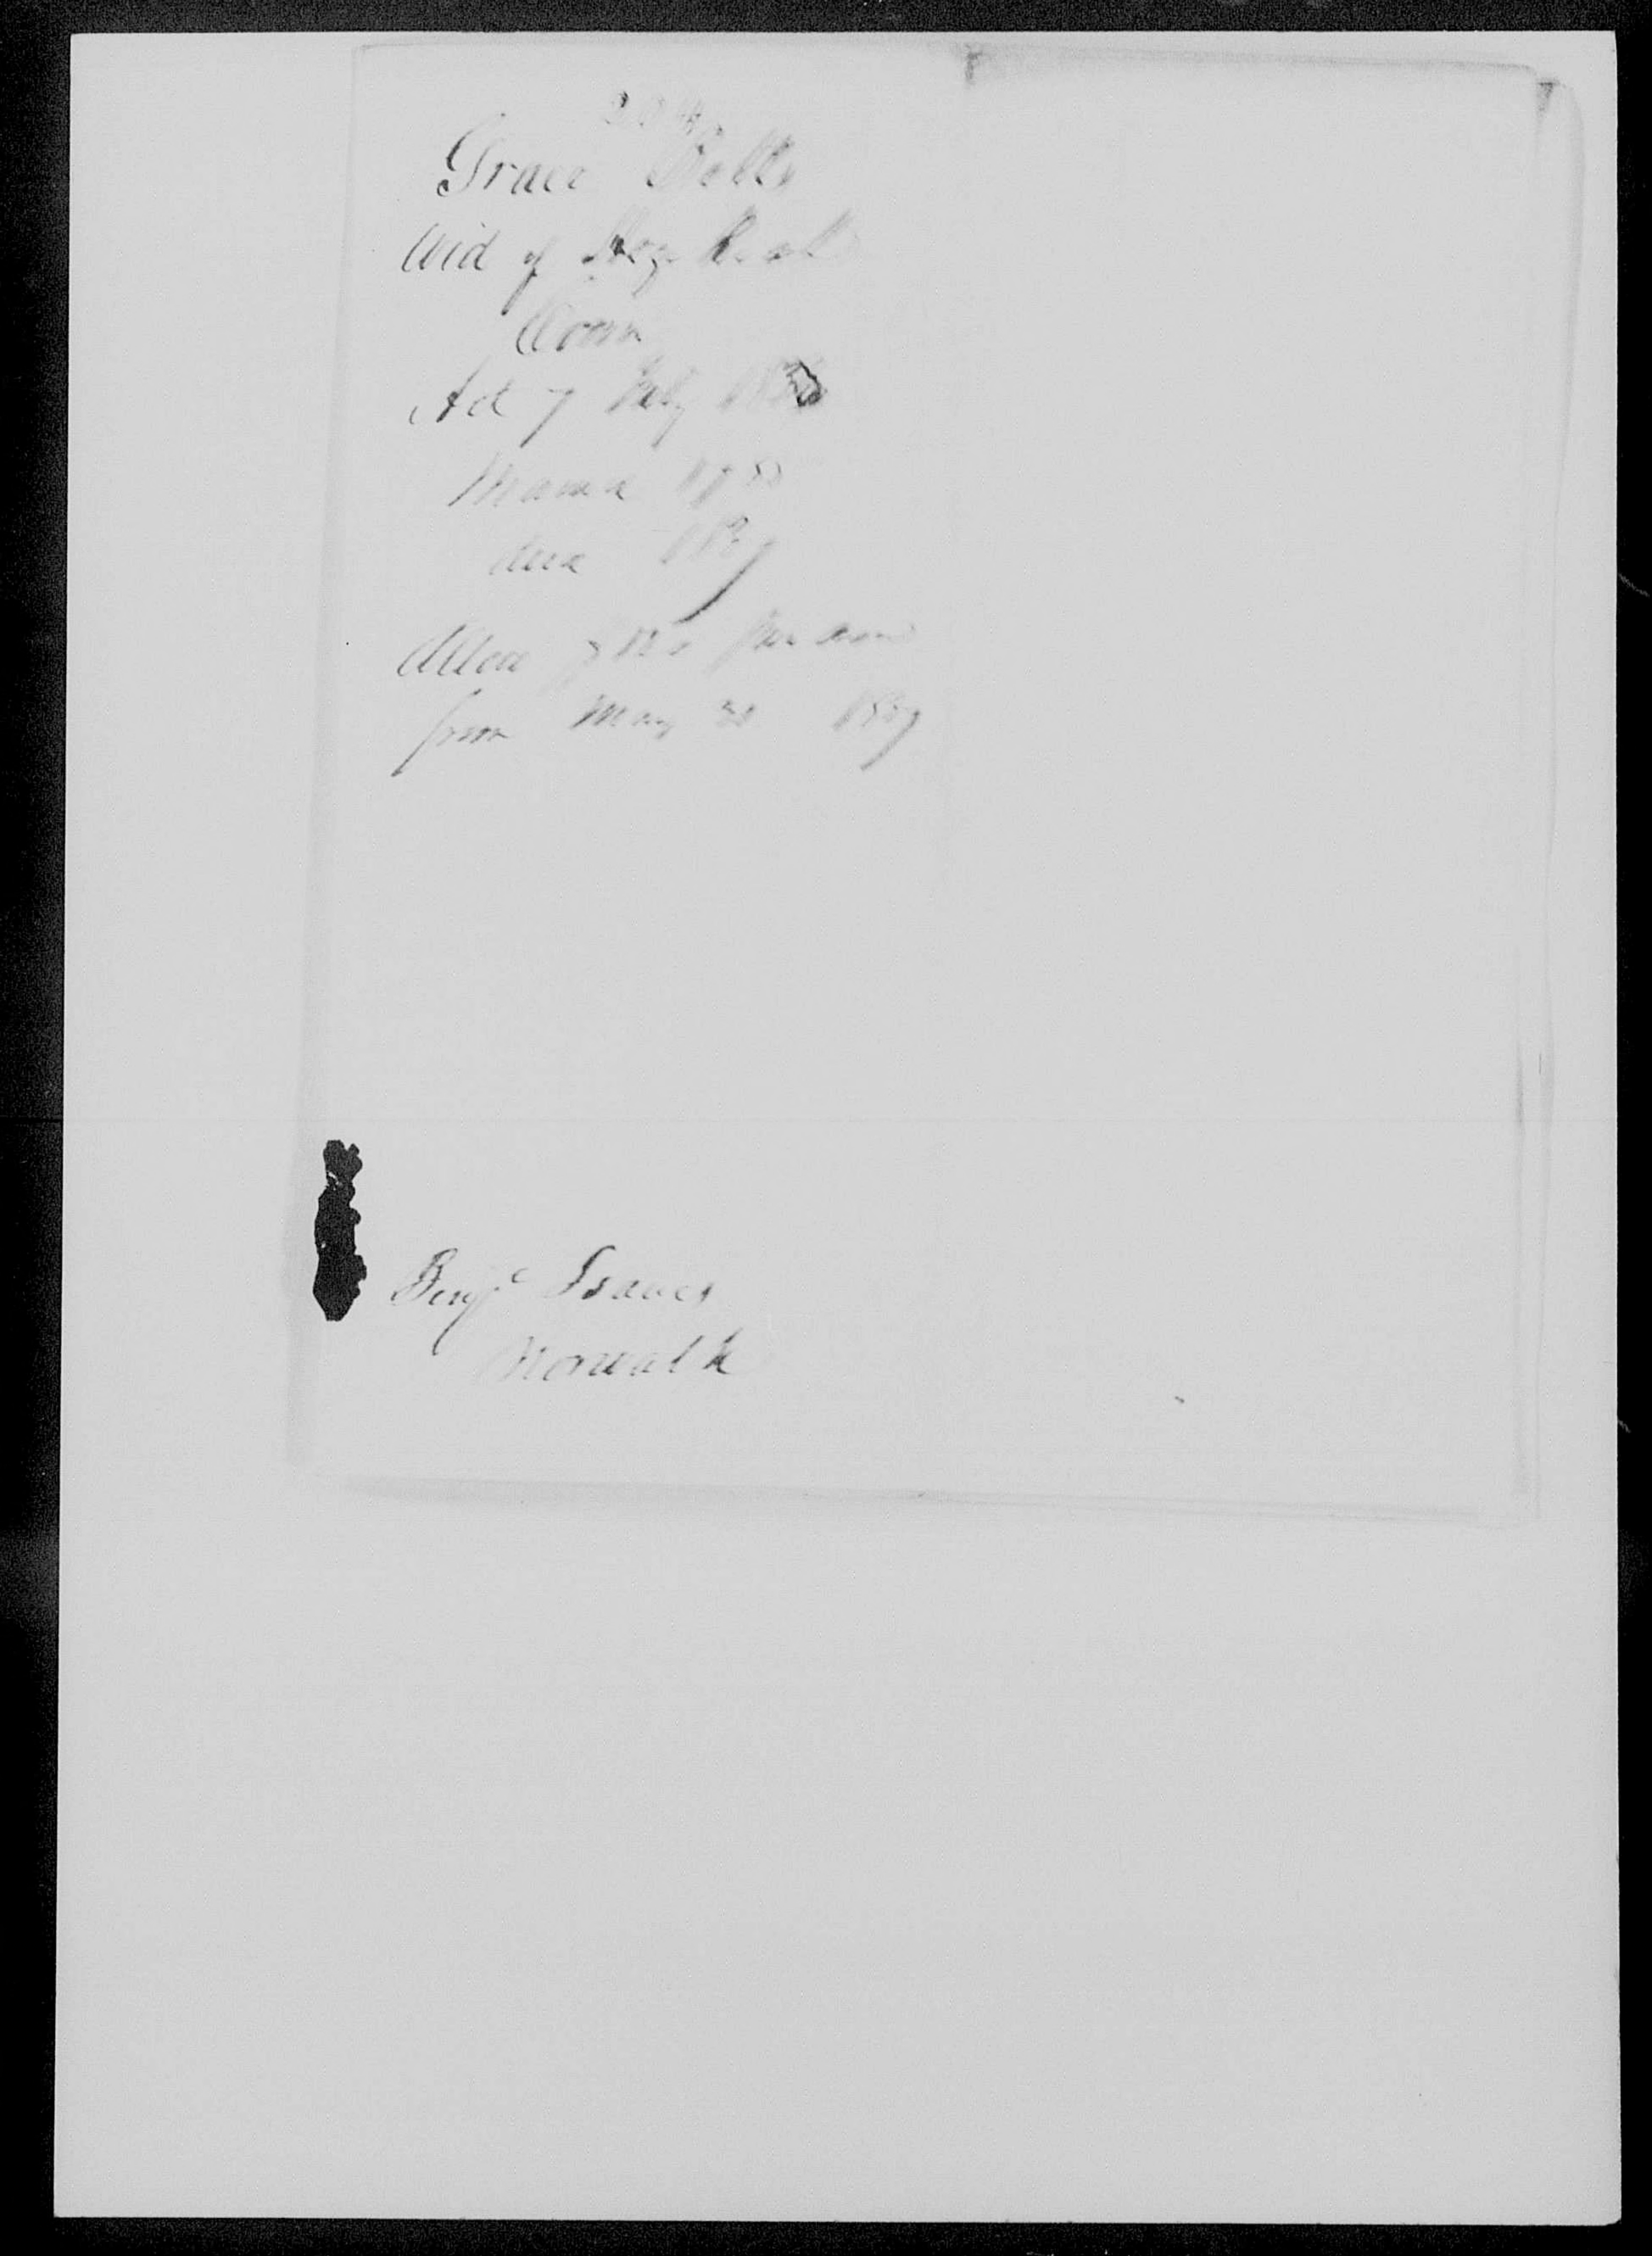Grace Betts
Wid of Hez Betts
Conn
Act 7 July 1838
Married (illegible)
dec (illegible)

Allow $100 pension
from May 31 1839

Benj Isaacs
Norwalk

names: Benje Isaacs, Grace Betts, Hezekiah Betts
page: 12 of 61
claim: widow's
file: W. 29,929, Hezekiah Betts, Conn.